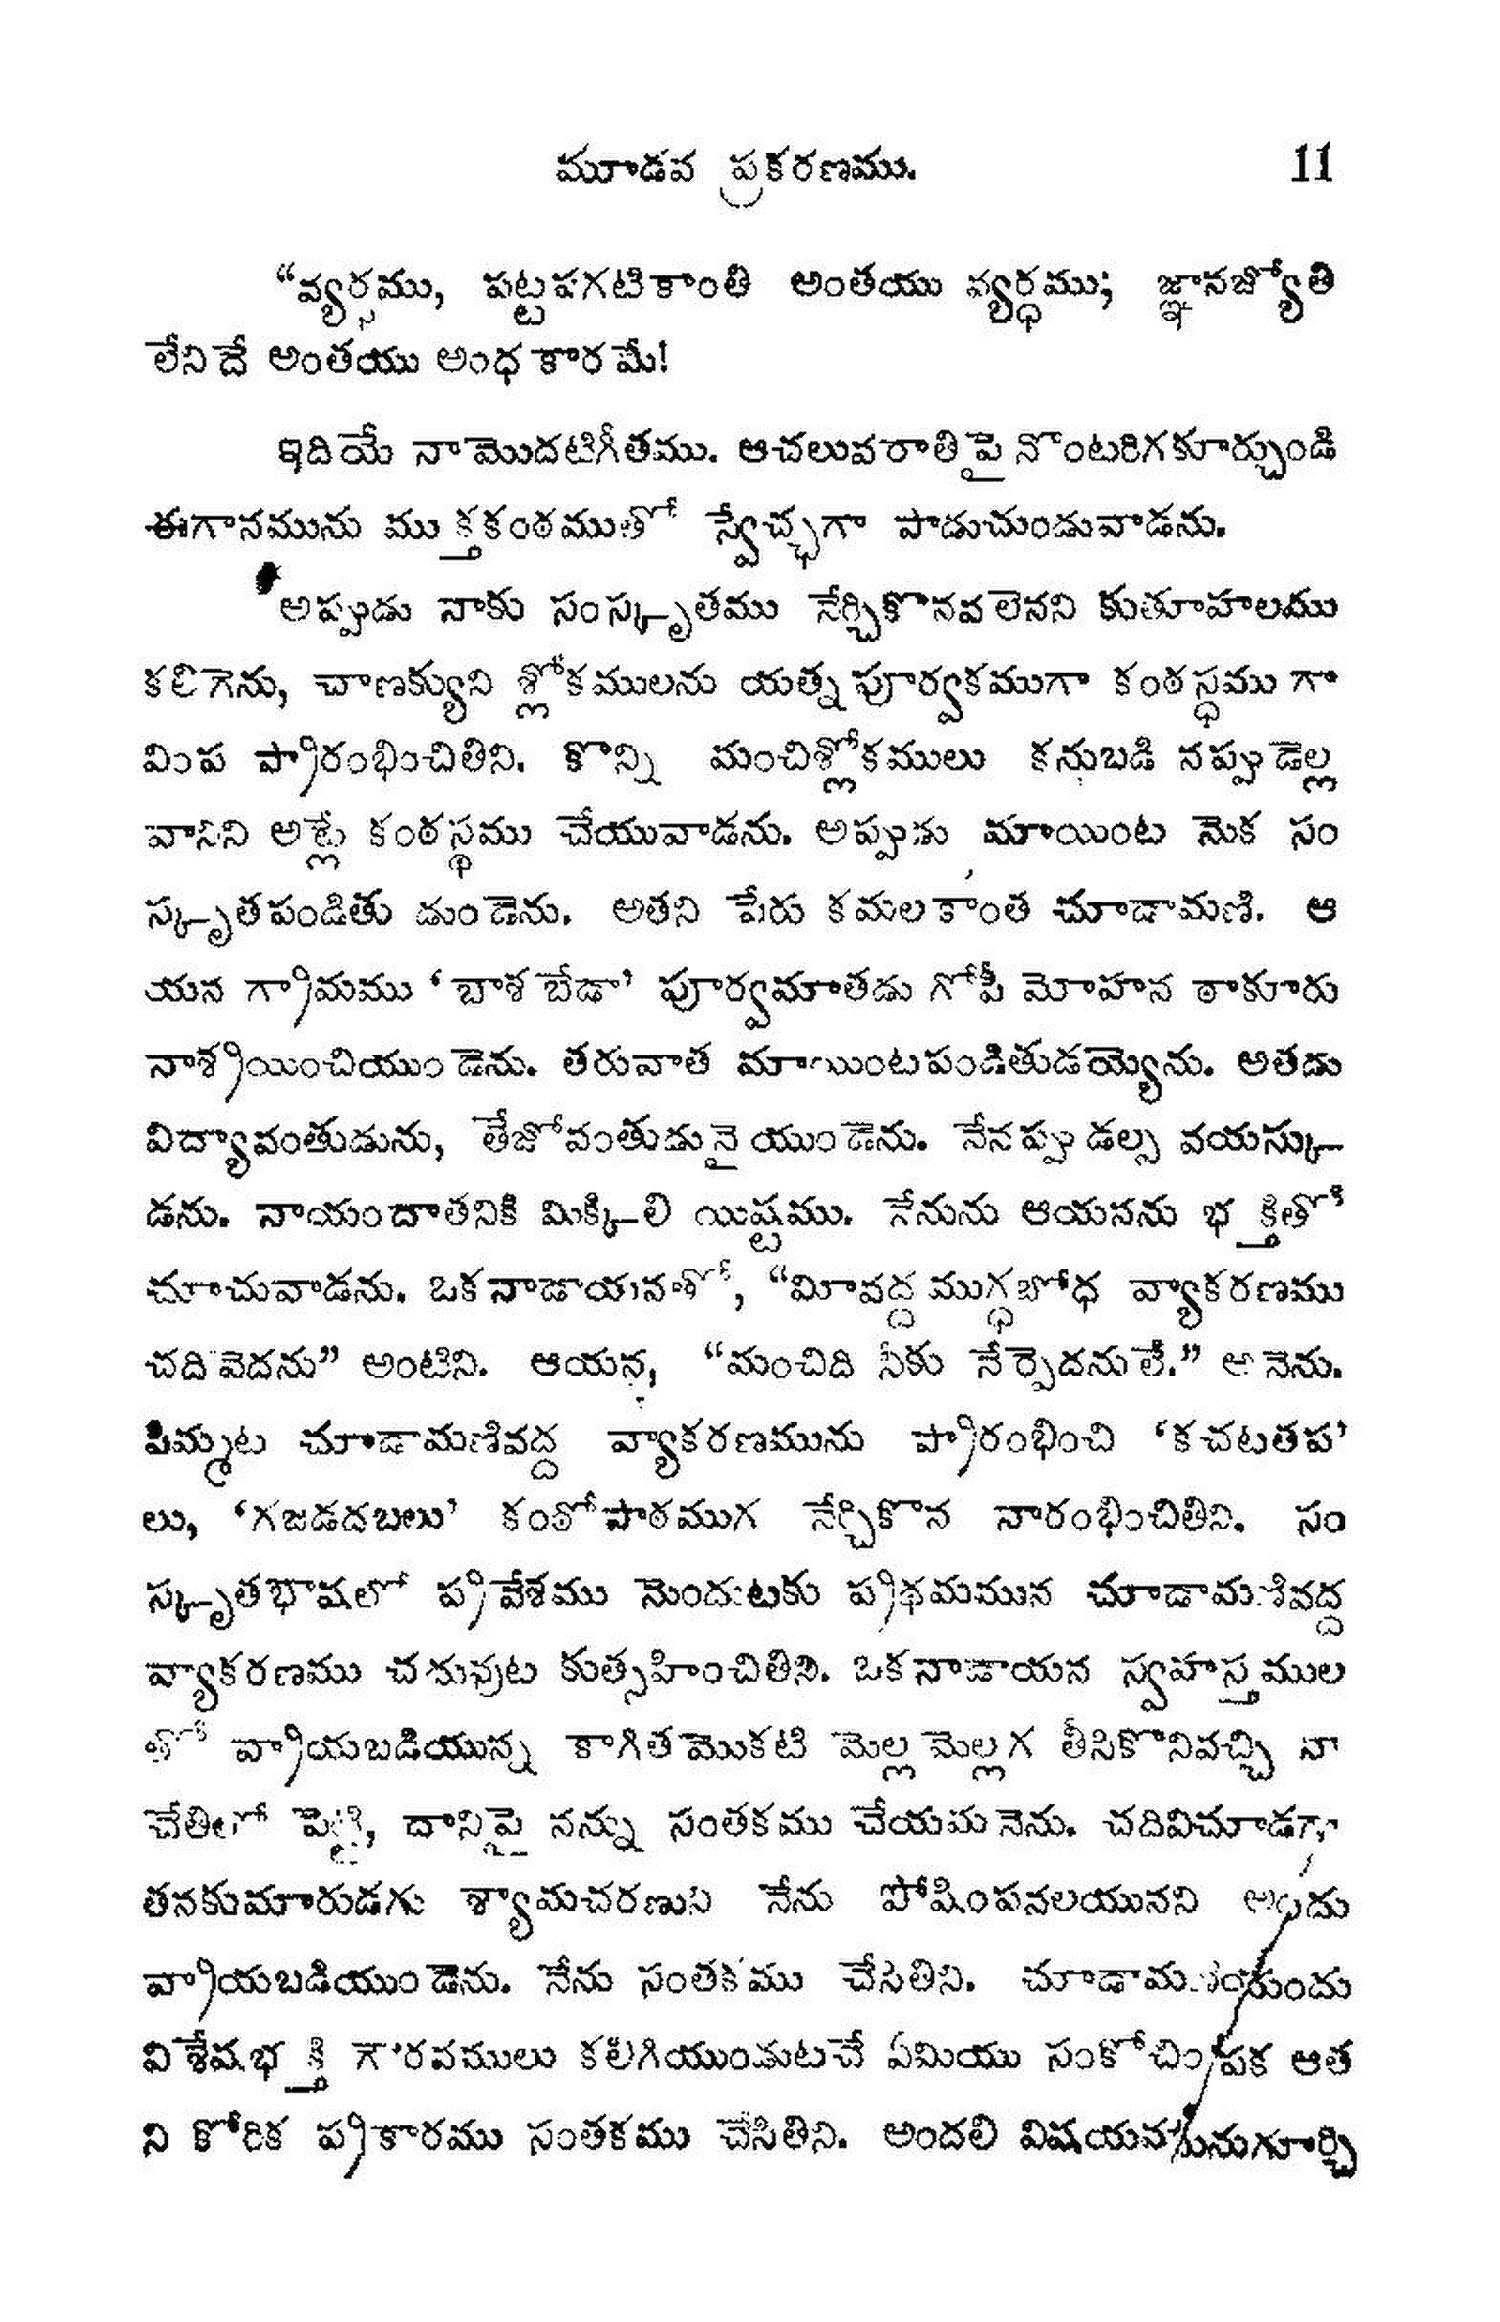"వ్యరము, పట్టపగటి కాంతి అంతయు వ్యర్ధము; జ్ఞానజ్యోతి లేనిదే అంతయు అంధ కారమే!

ఇదియే నా మొదటి గీతము. ఆచలువరాతిపై నొంటరిగ కూర్చుండి ఈ గానమును ముక్తకంఠముతో స్వేచ్చగా పొడుచుండువాడను.

అప్పుడు నాకు సంస్కృతము నేర్చి కొనవలెనని కుతూహలము కలిగెను, చాణక్యుని శ్లోకములను యత్నపూర్వకముగా కంఠస్థము గావింప ప్రారంభించితిని. కొన్ని మంచి శ్లోకములు కనుబడి నప్పుడెల్ల వానిని అట్లే కంఠస్థము చేయువాడను. అప్పుడు మాయింట ఒక సంస్కృత పండితు డుండెను. అతని పేరు కమల కాంత చూడామణి, ఆయన గ్రామము ' బాశ బేడా ' పూర్వమాతడు గోపీ మోహన ఠాకూరు నాశయించియుండెను. తరువాత మాటంట పండితుడయ్యెను. అతడు విద్యావం తుడును, తేజోవంతుడునై యుండెను. 'నేనప్పుడల్స వయస్కుడను. నాయందాతనికి మిక్కిలి యిష్టము. నేనును ఆయనను భక్తితో చూచువాడను. ఒక నాడాయనతో, “మీవద్ద ముగ్దబోధ వ్యాకరణము చదివెదను” అంటిని. ఆయన, “మంచిది నీకు నేర్పెదనులే.” ఆనెను. పిమ్మట చూడామణివద్ద వ్యాకరణమును ప్రారంభించి 'కచటతప' లు, 'గజడదబలు' కంఠోపాఠముగ నేర్చికొన నారంభించితిని, సంస్కృత భాషలో ప్రవేశము నందుటకు ప్రథమమున చూడామణివద్ద వ్యాకరణము చదువుట కుత్సహించితిని. ఒకనాడాయన స్వహస్తముల తీ వ్రాయబడియున్న కాగిత మొకటి 'మెల్ల మెల్లగ తీసికొనివచ్చి నాచేతిలో " దానిపై నన్ను సంతకము చేయమనెను. చదివి చూడగా, తనకుమారుడగు శ్యామచరణుని నేను పోషింషనలయునని అందు వ్రాయబడియుండెను. "నేను సంతకము చేసితిసి, చూడామణియందు విశేషభక్తి గౌరవములు కలిగియుండుటచే ఏమియు సంకోచింపక ఆతని కోరిక ప్రకారము సంతకము చేసితిని. అందలి విషయమునుగూర్చి